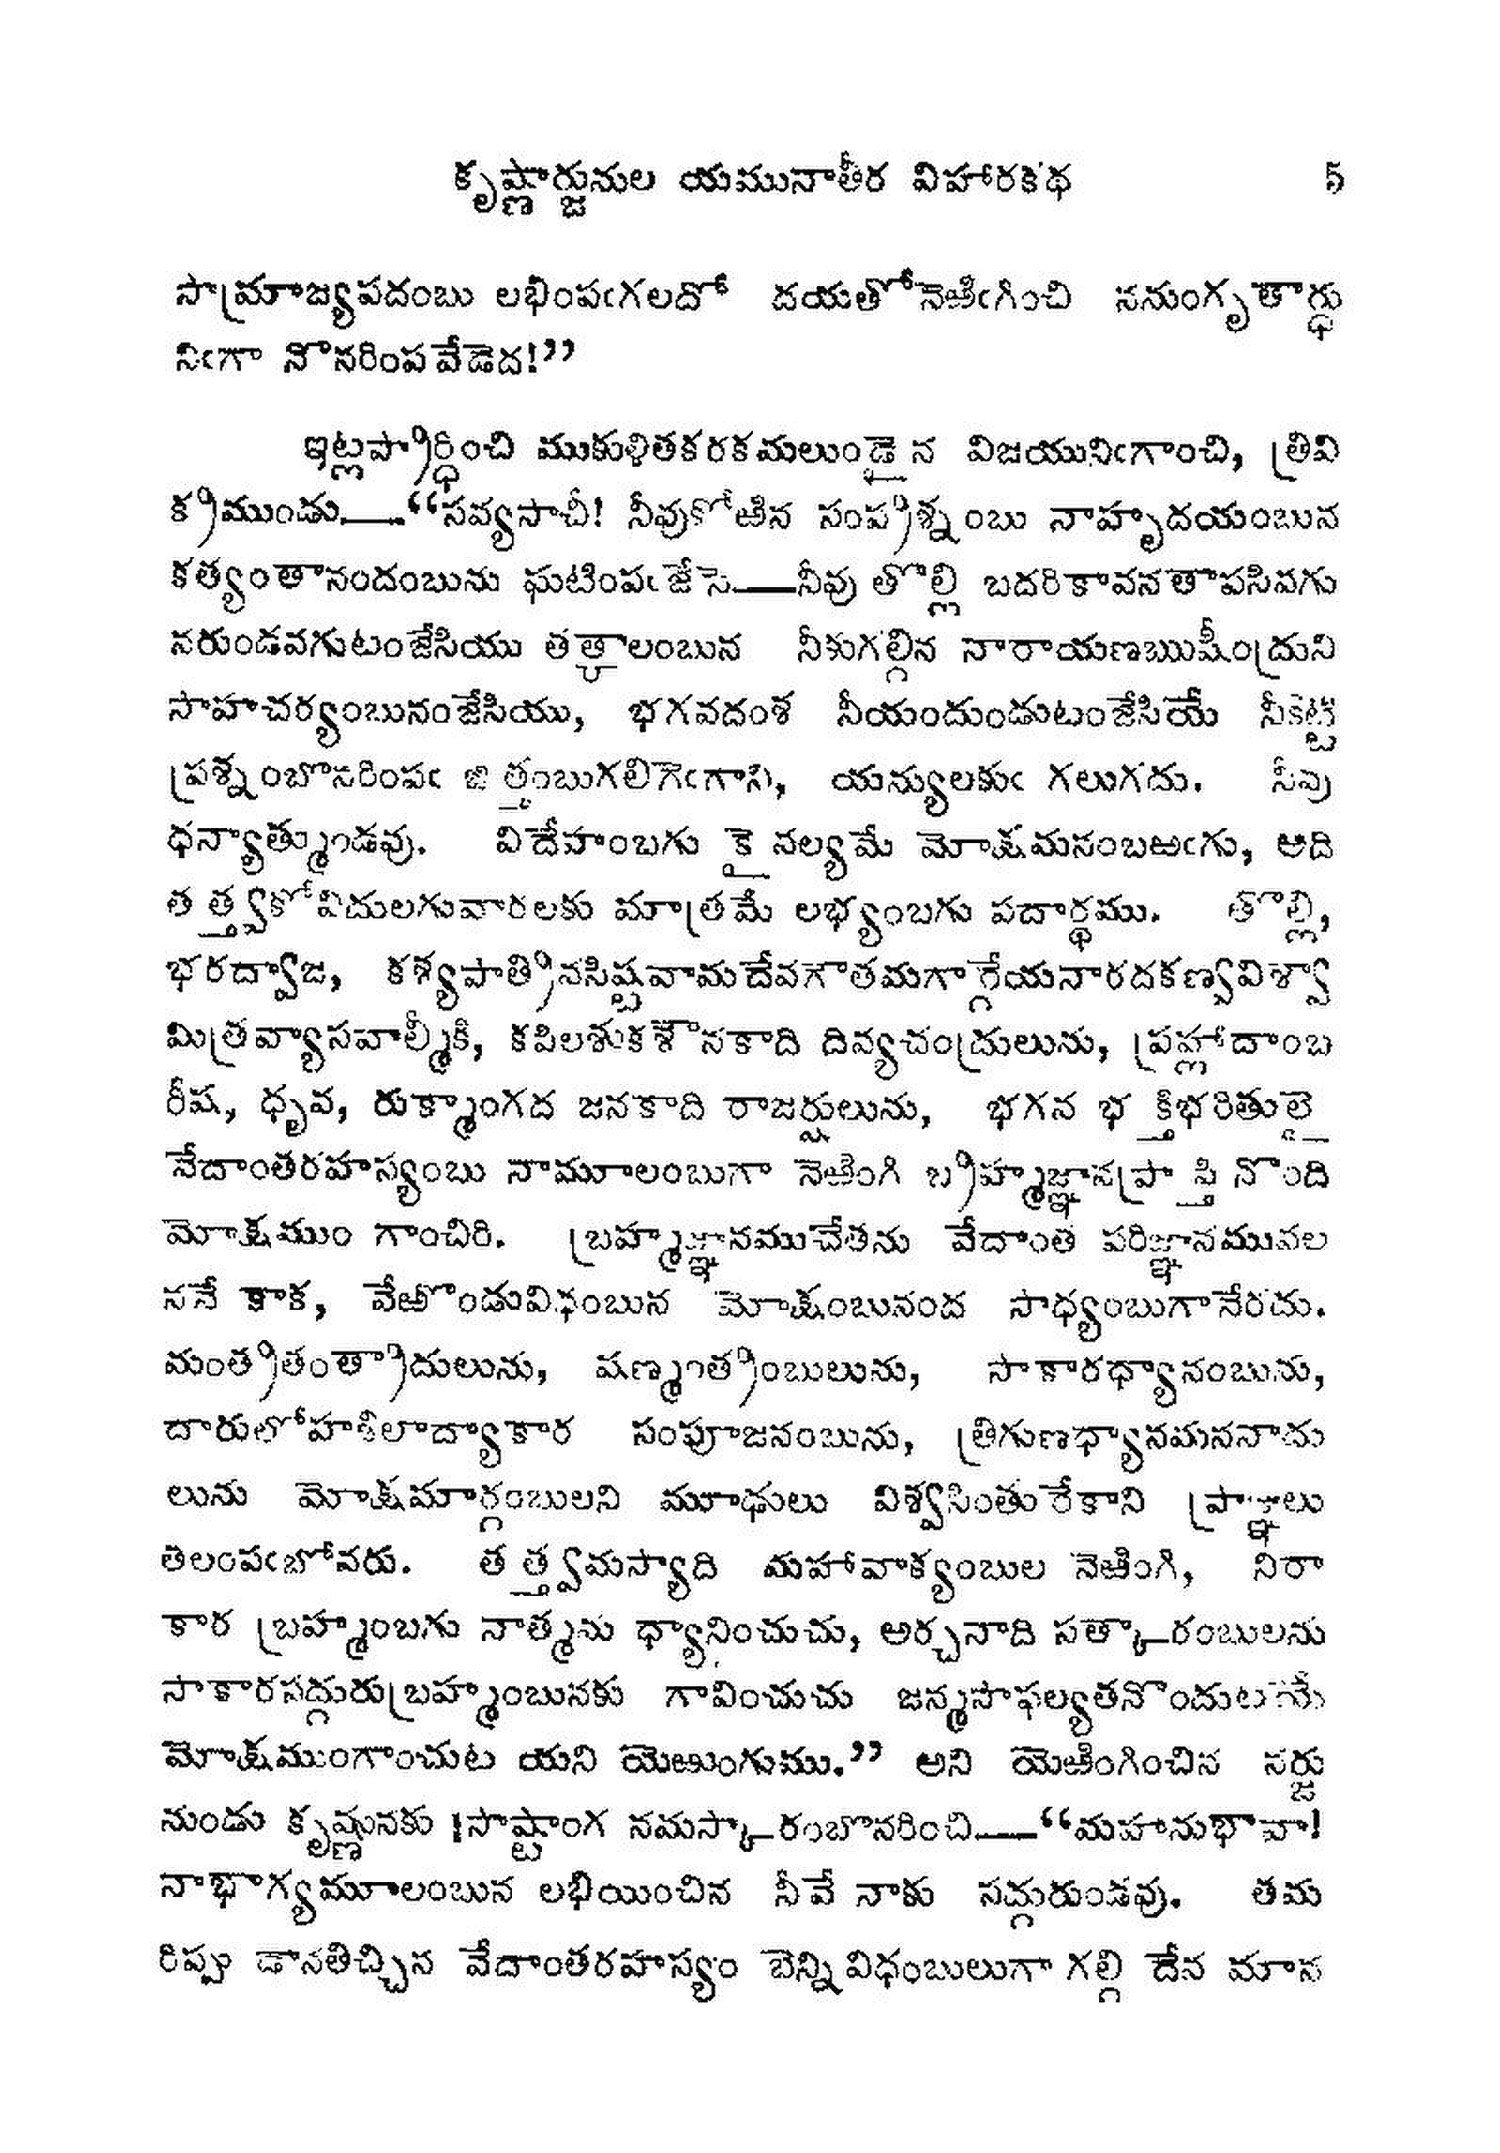సామ్రాజ్య పదంబు లభింపఁగలదో దయతో నెఱిఁగించి ననుంగృతార్ధునిఁగా నొనరింప వేడెద!"

ఇట్లప్రార్ధించి ముకుళితకరకమలుండైన విజయునిఁ గాంచి, త్రివిక్రముండు——"సవ్యసాచీ! నీవు కోఱిన సంప్రశ్నంబు నాహృదయంబున
కత్యంతానందంబును ఘటింపఁ జేసె—— నీవు తొల్లి బదరికావన తాపసివగు నరుండవగుటం జేసియు తత్కాలంబున నీకుగల్గిన నారాయణ ఋషీంద్రుని సాహచర్యంబునం జేసియు, భగవదంశ నీయందుండుటం జేసియే నీకిట్టి ప్రశ్నంబొనరింపఁ జిత్తంబుగలిగెఁగాని, యన్యులకుఁ గలుగదు. నీవు ధన్యాత్ముండవు, విదేహంబగు కైవల్యమే 'మోక్షమనంబఱఁగు, అది శత్త్వకోవొదులగు వారలకు మాత్రమే లభ్యంబగు పదార్థము. తోల్లి, భరద్వాజ, కశ్యపాత్రి వసిష్ట వామ దేవగౌతమగా ర్గేయనారదకణ్వ విశ్వామిత్ర వ్యాసవాల్మీకి, కపిలశుకశౌనకాది దివ్యచంద్రులును, ప్రహ్లాదాంబరీష, ధృవ, రుక్మాంగద జనకాది రాజర్షులును, భగవ భక్తిభరితులై వేదాంత రహస్యంబు నామూలంబుగా నెఱింగి బ్రహ్మజ్ఞాన ప్రాప్తి నొంది మోక్షముం గాంచిరి. బ్రహ్మజ్ఞానము చేతను వేదాంత పరిజ్ఞానమువలననే కాక, వేఱోండువిధంబున మోక్షంబునంద సాధ్యంబుగా నేరదు. మంత్రతంత్రాదులుసు, షణ్మతంబులును, సాకారధ్యానంబును, దారులో హశిలాద్యాకార సంపూజనంబును, త్రిగుణధ్యానమననాదు లును మోక్షమార్గంబులని మూఢులు విశ్వసింతురేకాని ప్రాజ్జులు తలంపఁబోవరు.తత్త్వమస్యాది మహావాక్యంబుల నెఱింగి, నిరాకార బ్రహ్మంబగు నాత్మను ధ్యానించుచు, అర్చనాది సత్కారంబులను సాకార సద్గురు బ్రహ్మంబునకు గావించుచు జన్మసాఫల్యతనొందుటయే మోక్షముంగాంచుట యని యెఱుంగుము.” అని యెఱింగించిన నర్జునుండు కృష్ణునకు సాష్టాంగ నమస్కారంబొనరించి —— "మహానుభావా! నాభాగ్యమూలంబున లభియించిన నీవే నాకు సద్గురుండవు. తమ రిప్పు డానతిచ్చిన వేదాంత రహస్యం బెన్ని విధంబులుగా గల్గి దేవ మాన